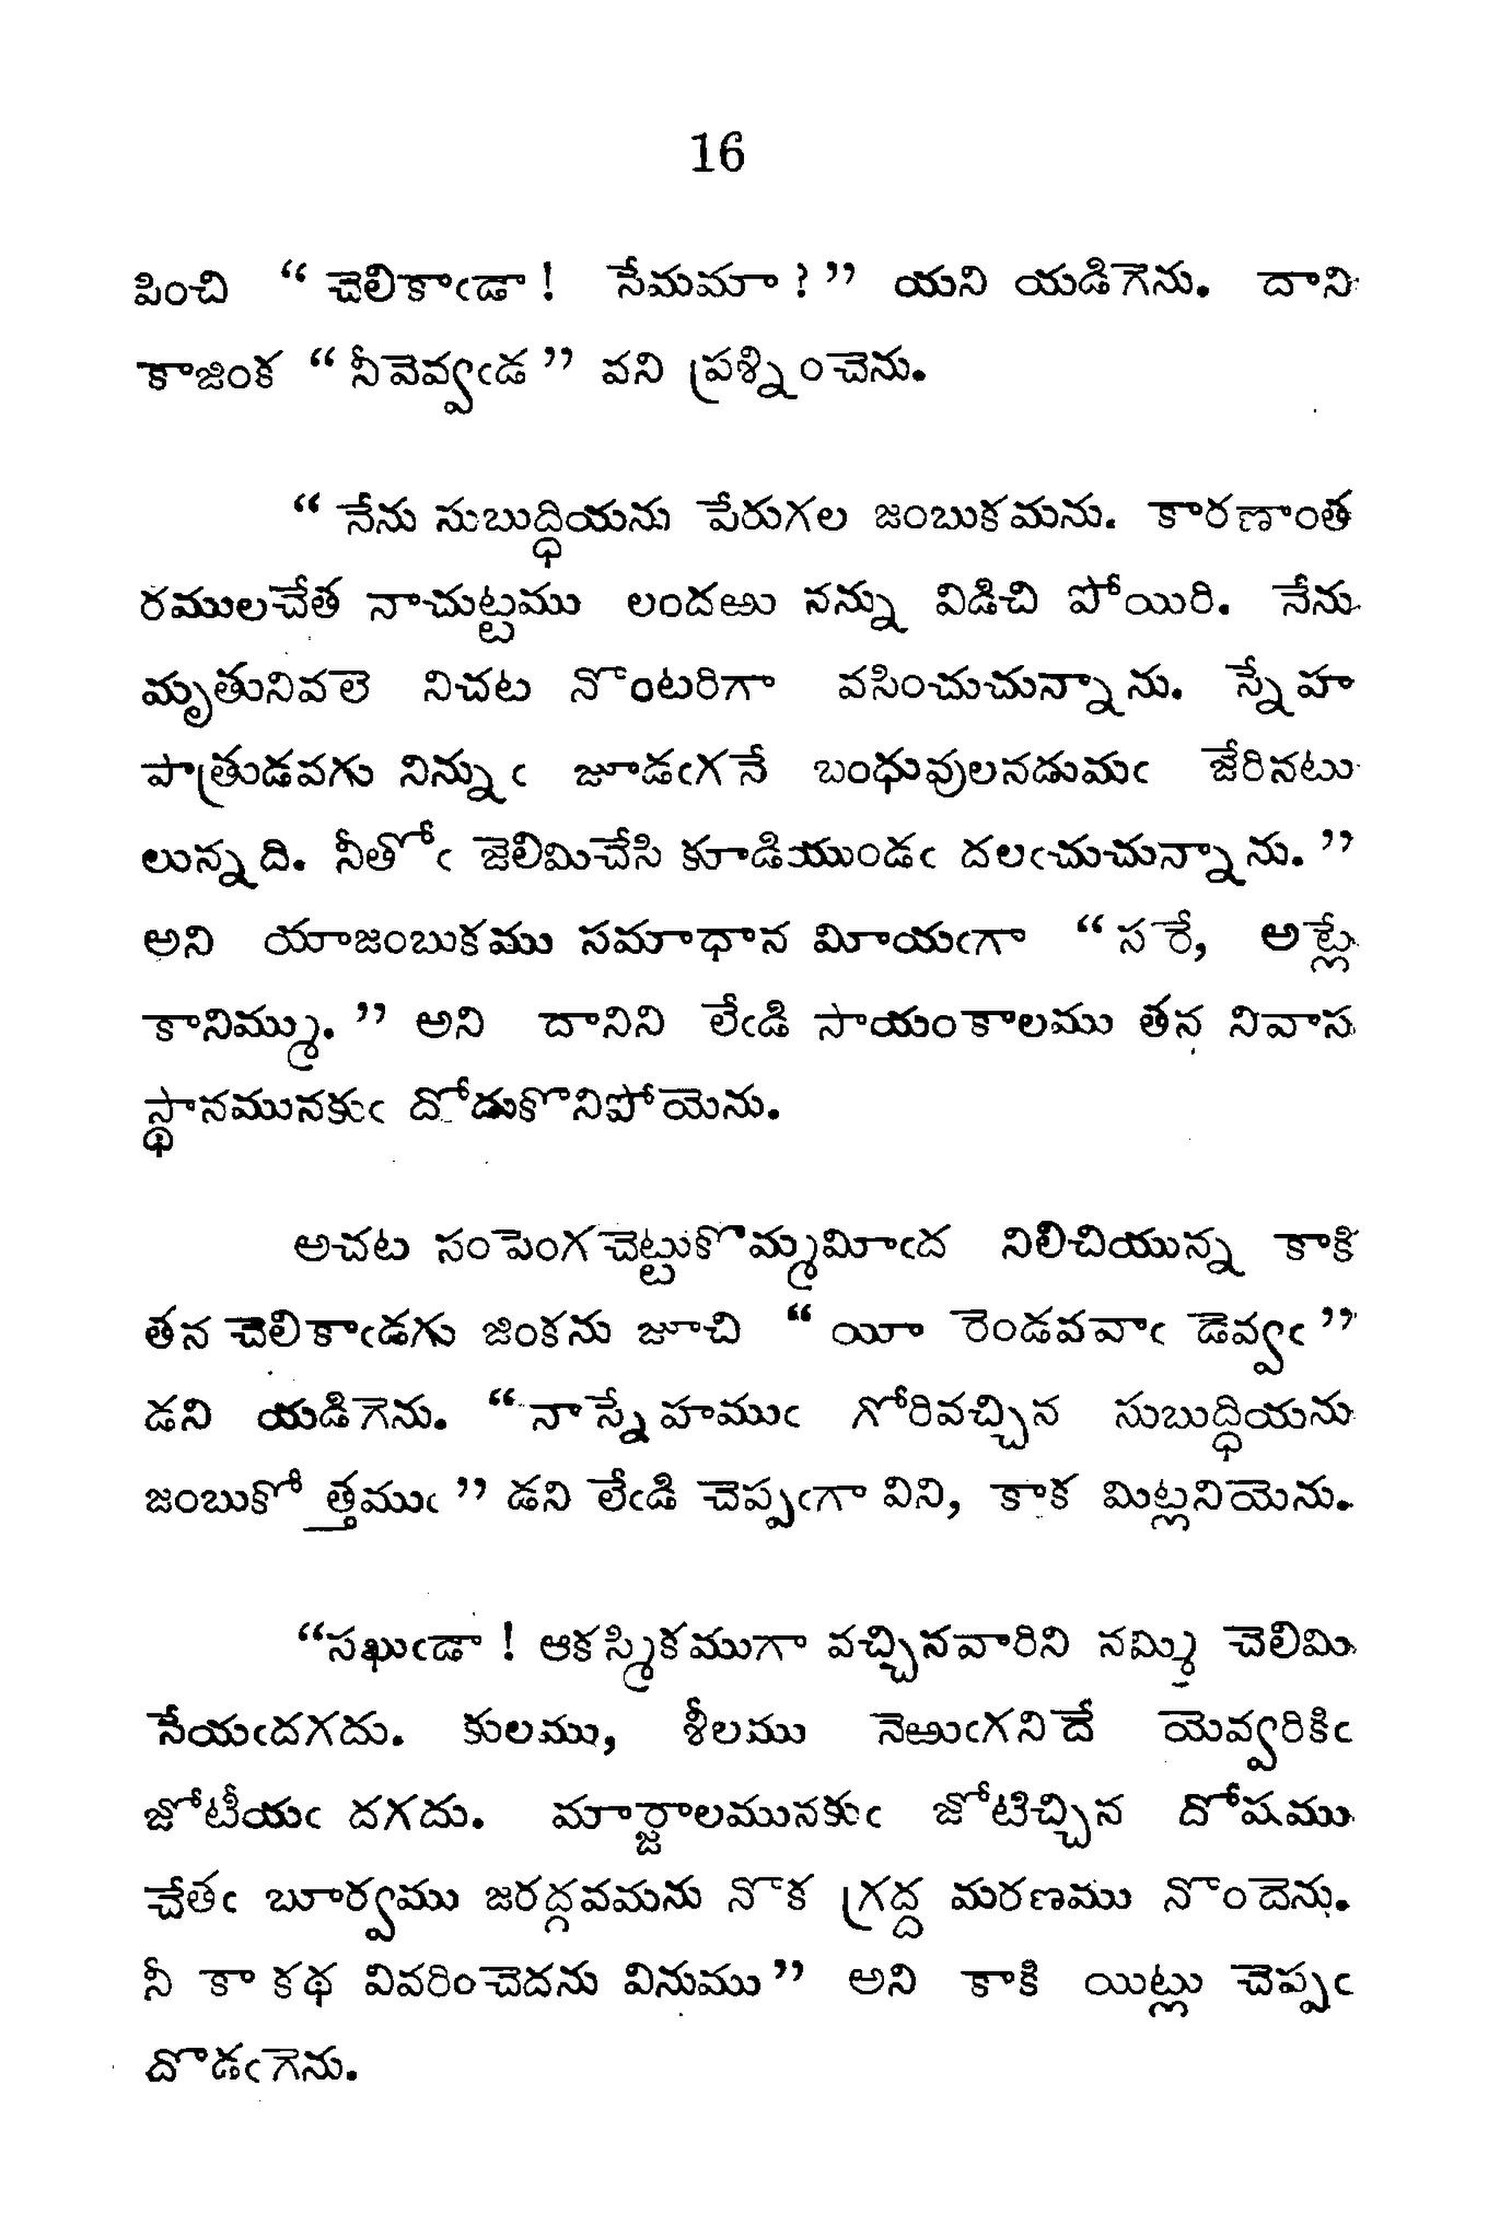పించి "చెలికాడా! సేమమా?" యని యడిగెను. దాని కాజింక "నీవెవ్వడ" వని ప్రశ్నించెను.

"నేను సుబుద్ధియను పేరుగల జంబుకమను . కారణాంతరములచేత నాచుట్టము లందఱు నన్ను విడిచి పోయిరి. నేను మృతునివలె నిచట నొంటరిగా వసించుచున్నాను. స్నేహపాత్రుడవగు నిన్ను జూడగనే బంధువులనడుమ జేరినటులున్నది. నీతో జెలిమిచేసి కూడియుండ దలచుచున్నాను." అని యాజంబుకము సమాధాన మీయగా "సరే, అట్లే కానిమ్ము." అని దానిని లేడి సాయంకాలము తన నివాస స్థానమునకు దోడుకొనిపోయెను.

అచట సంపెంగచెట్టుకొమ్మమీద నిలిచియున్న కాకి తన చెలికాడగు జింకను చూచి "యీ రెండవవా డెవ్వడని యడిగెను. "నాస్నేహము గోరివచ్చిన సుబుద్ధియను జంబుకోత్తము" డని లేడి చెప్పగా విని, కాక మిట్లనియెను.

"సఖుడా! ఆకస్మికముగా వచ్చినవారిని నమ్మి చెలిమి సేయదగదు. కులము, శీలము నెఱుగనిదే యెవ్వరికి జోటీయ దగదు. మార్జాలమునకు జోటిచ్చిన దోషము చేత బూర్వము జరద్గవమను నొక గ్రద్ద మరణము నొందెను. నీ కా కథ వివరించెదను వినుము" అని కాకి యిట్లు చెప్పదొడగెను.